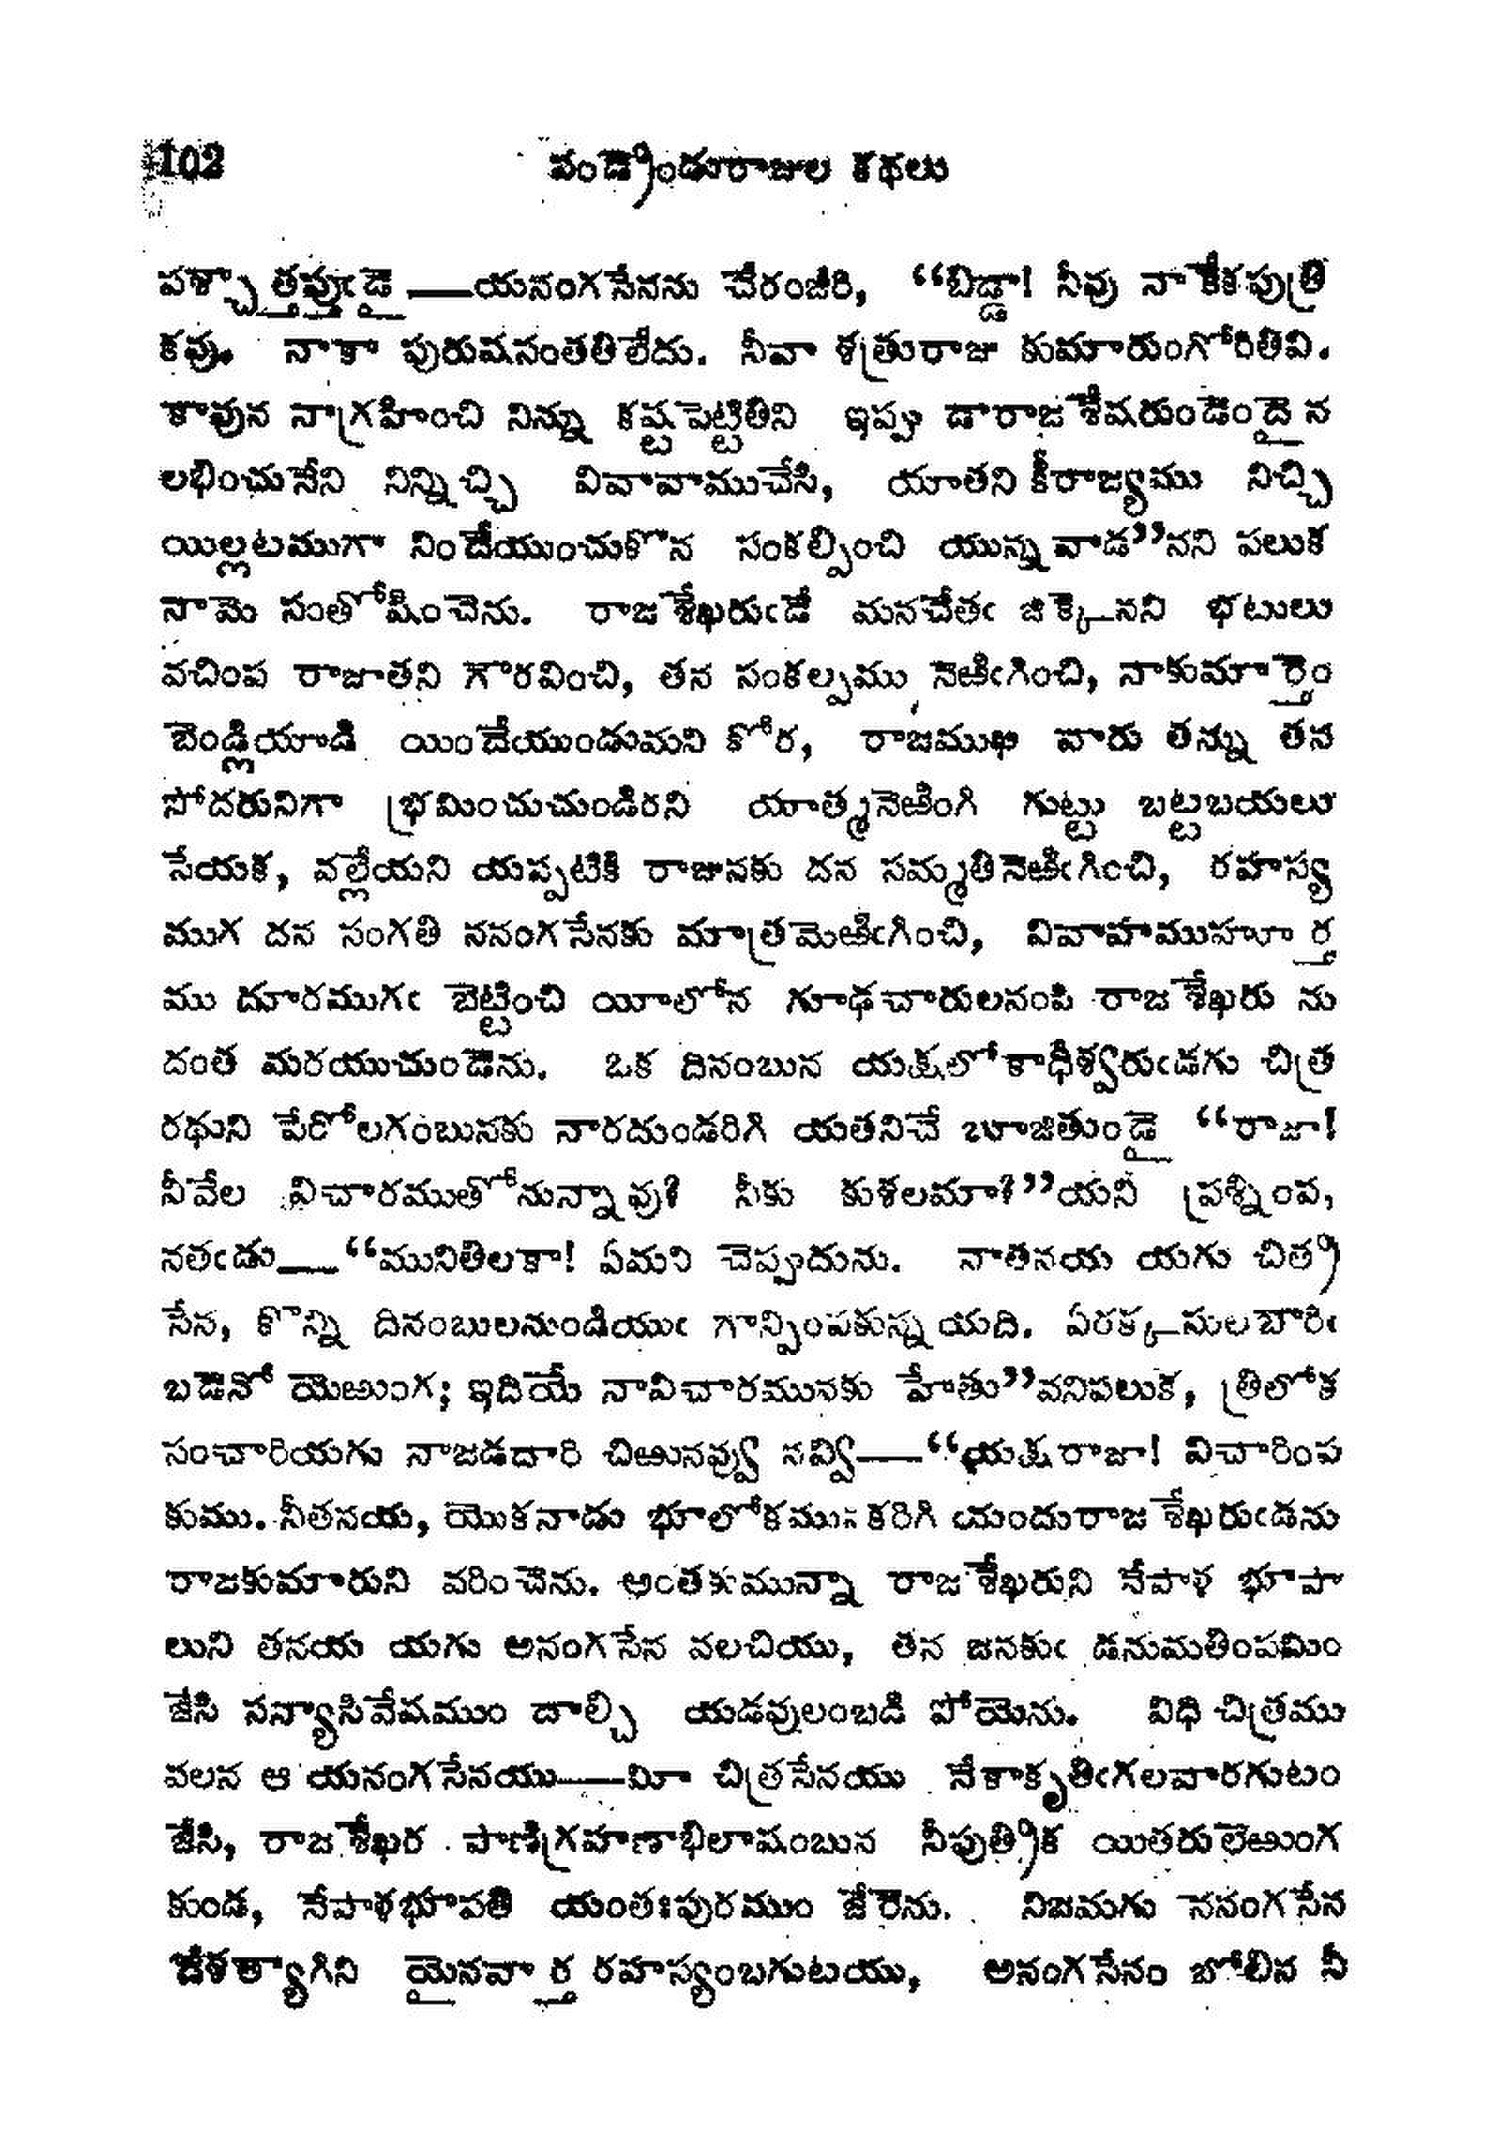పశ్చాత్తప్తుఁడై——యనంగసేనను చేరంజీరి, “బిడ్డా! నీవు నా కేక పుత్రికవు. నాకా పురుషసంతతి లేదు. నీవా శత్రురాజు కుమారుంగోరితివి. కావున నాగ్రహించి నిన్ను కష్టపెట్టితిని ఇప్పు డారాజశేఖరుండెందైన లభించునేని నిన్నిచ్చి వివాహముచేసి, యాతని కీరాజ్యము నిచ్చి యిల్లటముగా నిందేయుంచుకొన సంకల్పించి యున్నవాడ "నని పలుక నామె సంతోషించెను. రాజశేఖరుఁడే మనచేతఁ జిక్కెనని భటులు వచింప రాజతని గౌరవించి, తన సంకల్పము నెఱిఁగించి, నాకుమార్తెం బెండ్లియాడి, యిందేయుండుమని కోర, రాజముఖి వారు తన్ను తన సోదరునిగా భ్రమించుచుండిరని యాత్మ నెఱింగి గుట్టు బట్టబయలు సేయక, వల్లేయని యప్పటికి రాజునకు దన సమ్మతి నెఱిఁగించి, రహస్యముగ దన సంగతి సనంగసేనకు మాత్రమెఱిఁగించి, వివాహముహూర్తము దూరముగఁ బెట్టించి యీలోన గూఢచారులనంపి రాజశేఖరు నుదంత మరయుచుండెను. ఒక దినంబున యక్షలోకాధీశ్వరుఁడగు చిత్రరథుని పేరోలగంబునకు నారదుండరిగి యతనిచే బూజితుండై "రాజా! నీవేల విచారముతోనున్నావు? నీకు కుశలమా?"యని ప్రశ్నింప, నతఁడు—— "మునితిలకా! ఏమని చెప్పుదును. నాతనయ యగు చిత్రసేన, కొన్ని దినంబులనుండియుఁ గాన్పింపకున్న యది. ఏరక్కసుల బారిఁబడెనో యెఱుంగ, ఇదియే నావిచారమునకు హేతు"వనిపలుక , త్రిలోక సంచారియగు నాజడదారి చిఱునవ్వు నవ్వి——"యక్ష రాజా! విచారింపకుము. నీతనయ, యొకనాడు భూలోకమున కరిగి యందు రాజశేఖరుఁడను రాజకుమారుని వరించెను. అంతకు మున్నా రాజశేఖరుని నేపాళ భూపాలుని తనయ యగు అనంగసేన వలచియు, తన జనకుఁ డనుమతింపమిం
జేసి సన్యాసివేషముం దాల్చి యడవులంబడి పోయెను. విధి చిత్రము వలన ఆ యనంగసేనయు——మీ చిత్రసేనయు నేకాకృతిఁగలవారగుటం జేసి, రాజశేఖర పాణిగ్రహణాభిలాషంబున నీ పుత్రిక యితరు లెఱుంగ కుండ, నేపాళభూపతి యంతఃపురముం జేరెను. నిజమగు ననంగ సేన దేశత్యాగిని యైనవార్త రహస్యంబగుటయు, అనంగసేనం బోలిన నీ